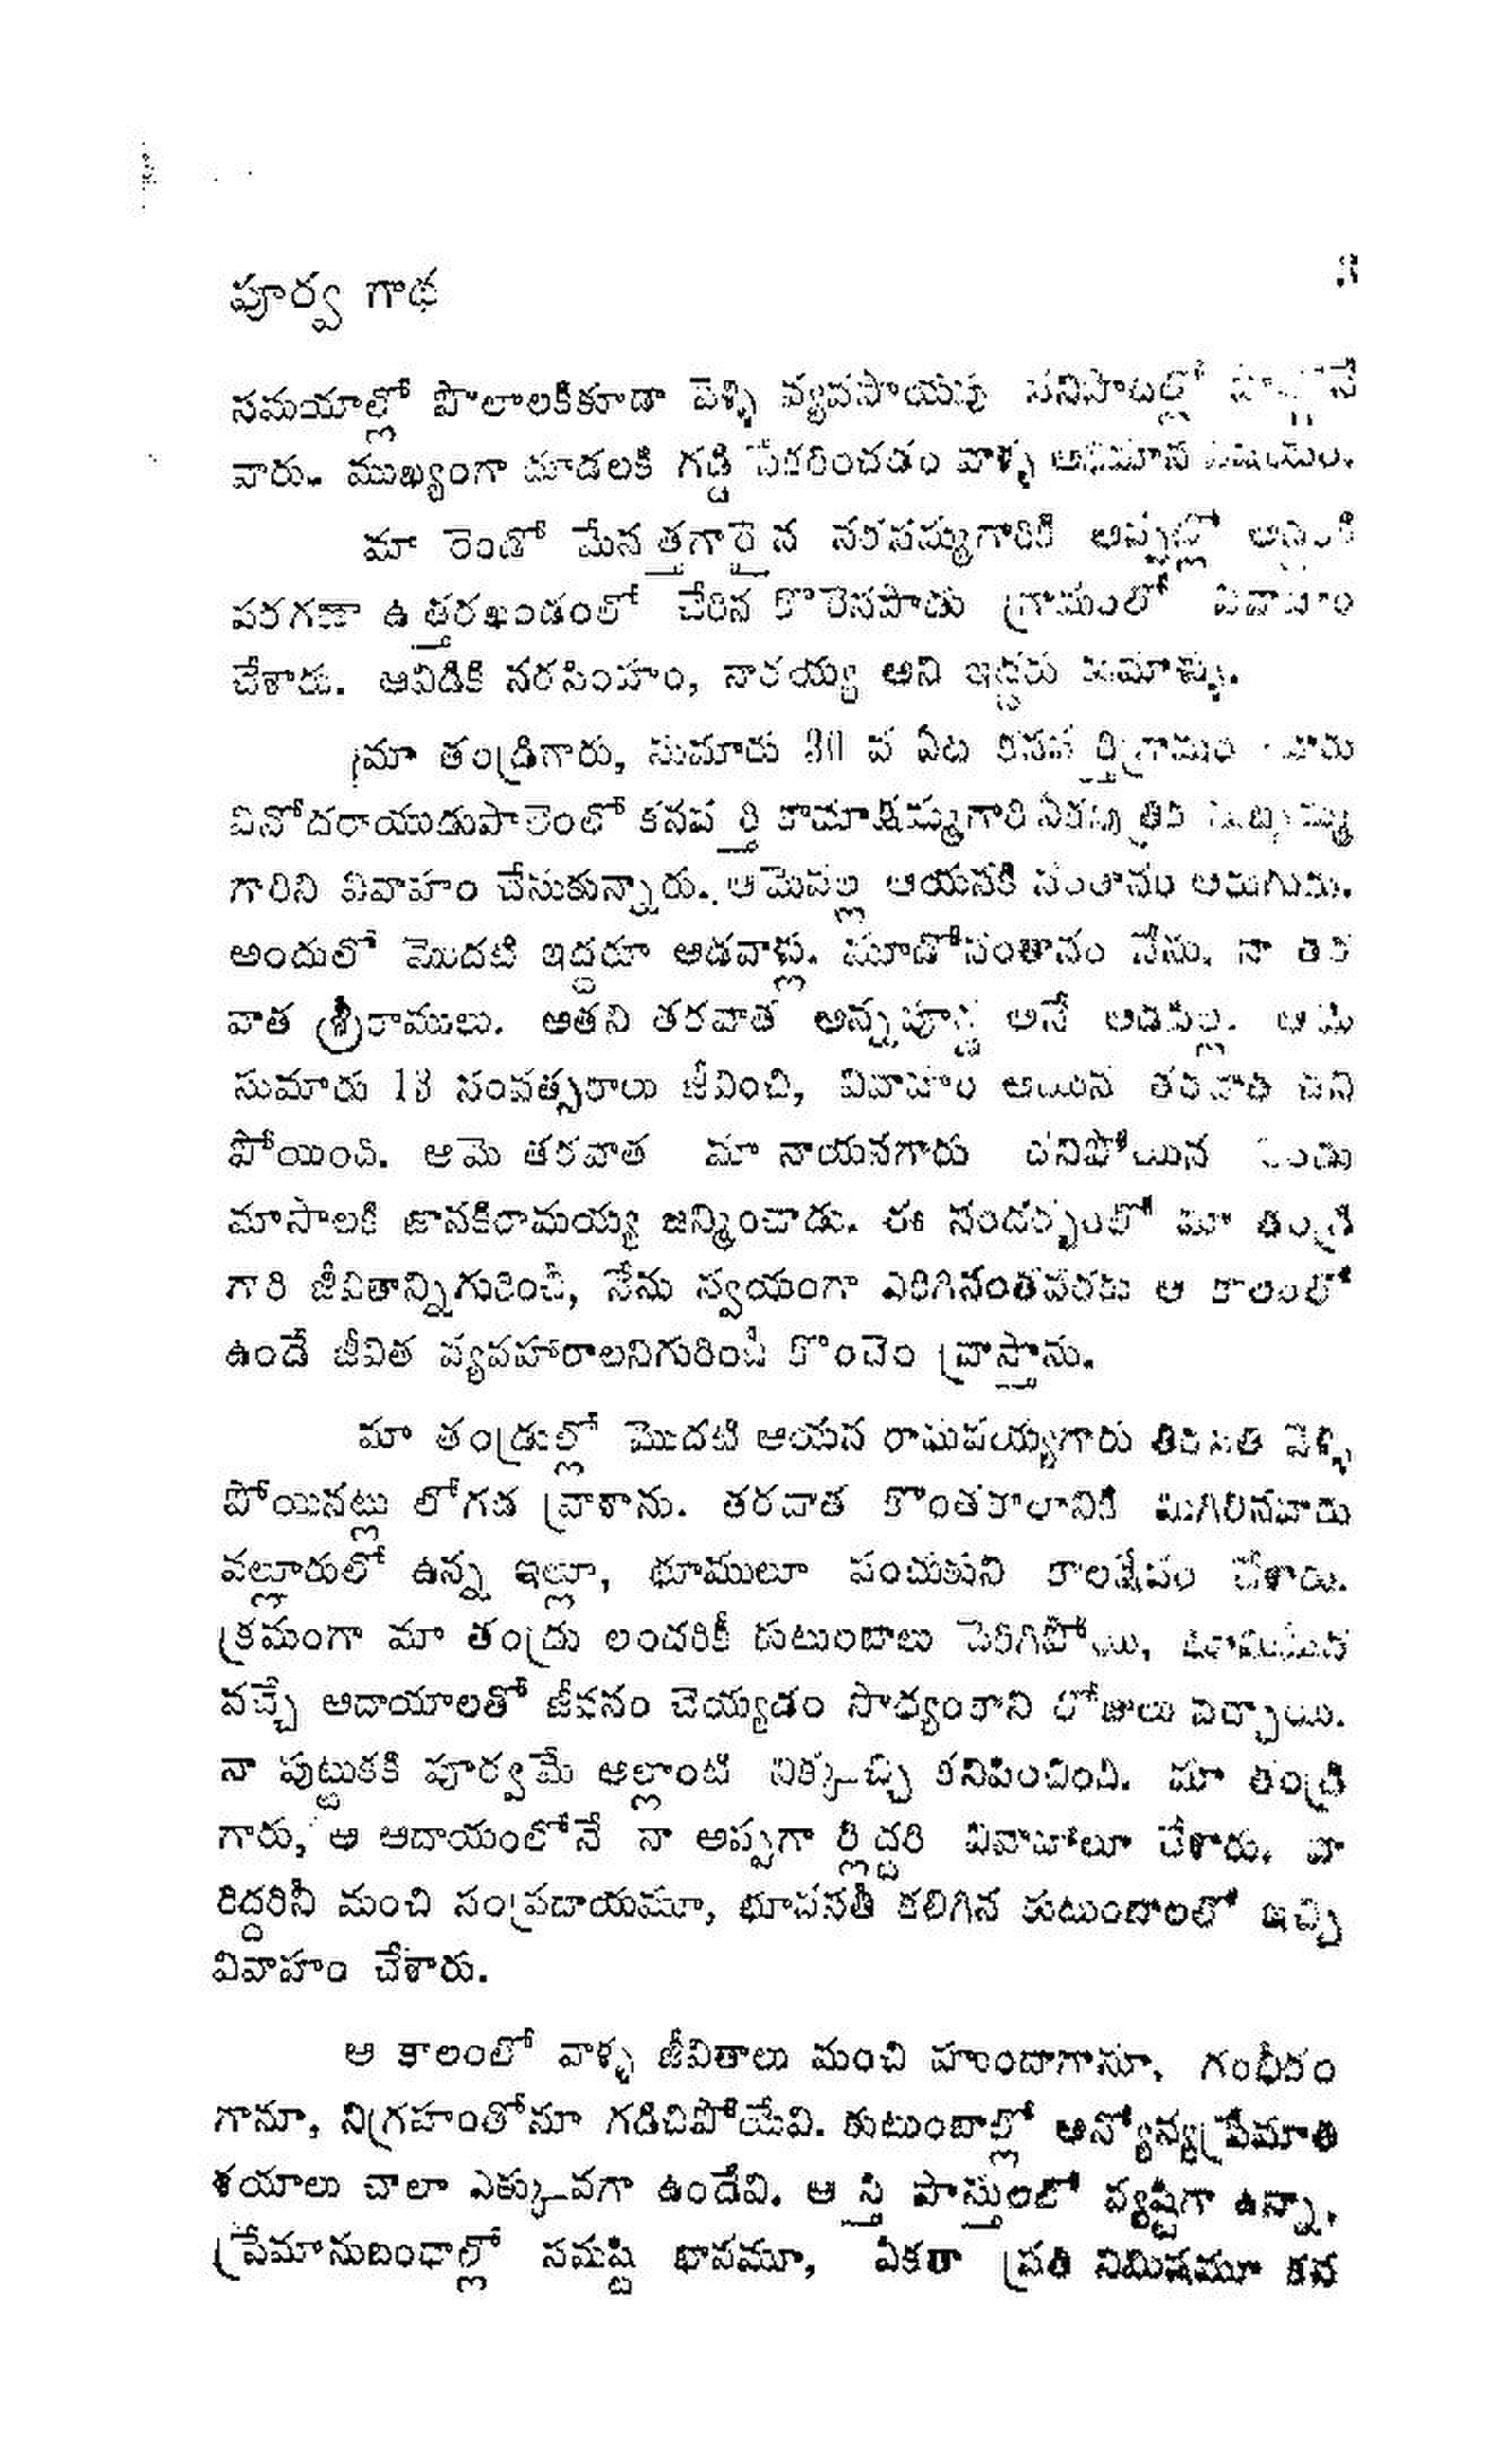సమయాల్లో పొలాలకికూడా వెళ్ళి వ్యవసాయపు పనిపాటల్లో పాల్గొనేవారు. ముఖ్యంగా దూడలకి గడ్డి సేకరించడం వాళ్ళ అభిమాన విషయం.

మా రెండో మేనత్తగారైన నరసమ్మ గారికి అప్పట్లో అద్దంకి పరగణా ఉత్తరఖండంలో చేరిన కొరెసపాడు గ్రామంలో వివాహం చేశారు. ఆవిడికి నరసింహం, నారయ్య అని ఇద్దరు కుమాళ్ళు.

మా తండ్రి గారు సుమారు 30 వ ఏట కనపర్తి గ్రామం వారు వినోదరాయుడుపాలెలలో కనపర్తి కామాక్షమ్మగారి ఏకైక పుత్రిక సుబ్బమ్మ గారిని వివాహం చేసుకున్నారు. ఆమెవల్ల ఆయనకి సంతానం ఆరుగురు. అందులో మొదటి ఇద్దరూ ఆడవాళ్ళు. మూడో సంతానం నేను. నా తరవాత శ్రీరాములు. అతని తరువాత అన్నపూర్ణ అనే ఆడపిల్ల. ఆమె సుమారు 13 సంవత్సరాలు జీవించి, వివాహం అయిన తరువాత చనిపోయింది. ఆమె తరరువాత మా నాయనగారు చనిపోయిన రెండు మాసాలకి జానకిరామయ్య జన్మించాడు. ఈ సందర్భంలో మా తండ్రిగారి జీవితాన్ని గురించీ, నేను స్వయంగా ఎరిగినంతవరకు ఆ కాలంలో ఉండే జీవిత వ్యవహారాలని గురించి కొంచెం వ్రాస్తాను.

మా తల్లిదండ్రుల్లో మొదటి ఆయన రాఘవయ్యగారు తిరుపతి వెళ్ళిపోయినట్లు లోగడ వ్రాశాను. తరవాత కొంతకాలానికి మిగిలిన వారు వల్లూరులో ఉన్న ఇల్లూ, భూములు పంచుకుని కాలక్షేపం చేశారు. క్రమంగా మా తండ్రులందరికీ కుటుంబాలు పెరిగిపోయి, భూమిమీద వచ్చే ఆదాయాలతో జీవనం చెయ్యడం సాధ్యంకాని రోజులు వచ్చాయి. నా పుట్టుకకి పూర్వమే అల్లాంటి నిక్కచ్చి కనిపించింది. మా తండ్రిగారు, ఆ ఆదాయంతోనే నా అక్కగార్లిద్దరికీ వివాహాలు చేశారు. వారిద్దరినీ మంచి సాంప్రదాయమూ, భూవసతి కలిగిన కుటుంబాలలో ఇచ్చి వివాహం చేశారు.

ఆ కాలంలో వాళ్ళ జీవితాలు మంచి హుందాగానూ, గంభీరం గానూ, నిగ్రహంతోనూ గడిచిపోయేవి. కుటుంబాల్లో అన్యోన్యప్రేమాతిశయాలు చాలా ఎక్కువగా ఉండేవి. ఆస్తిపాస్తులలో వ్యష్టిగా ఉన్నా, ప్రేమానుబంధాల్లో సమష్టి భావమూ, ఏకతా ప్రతి నిమిషమూ కన